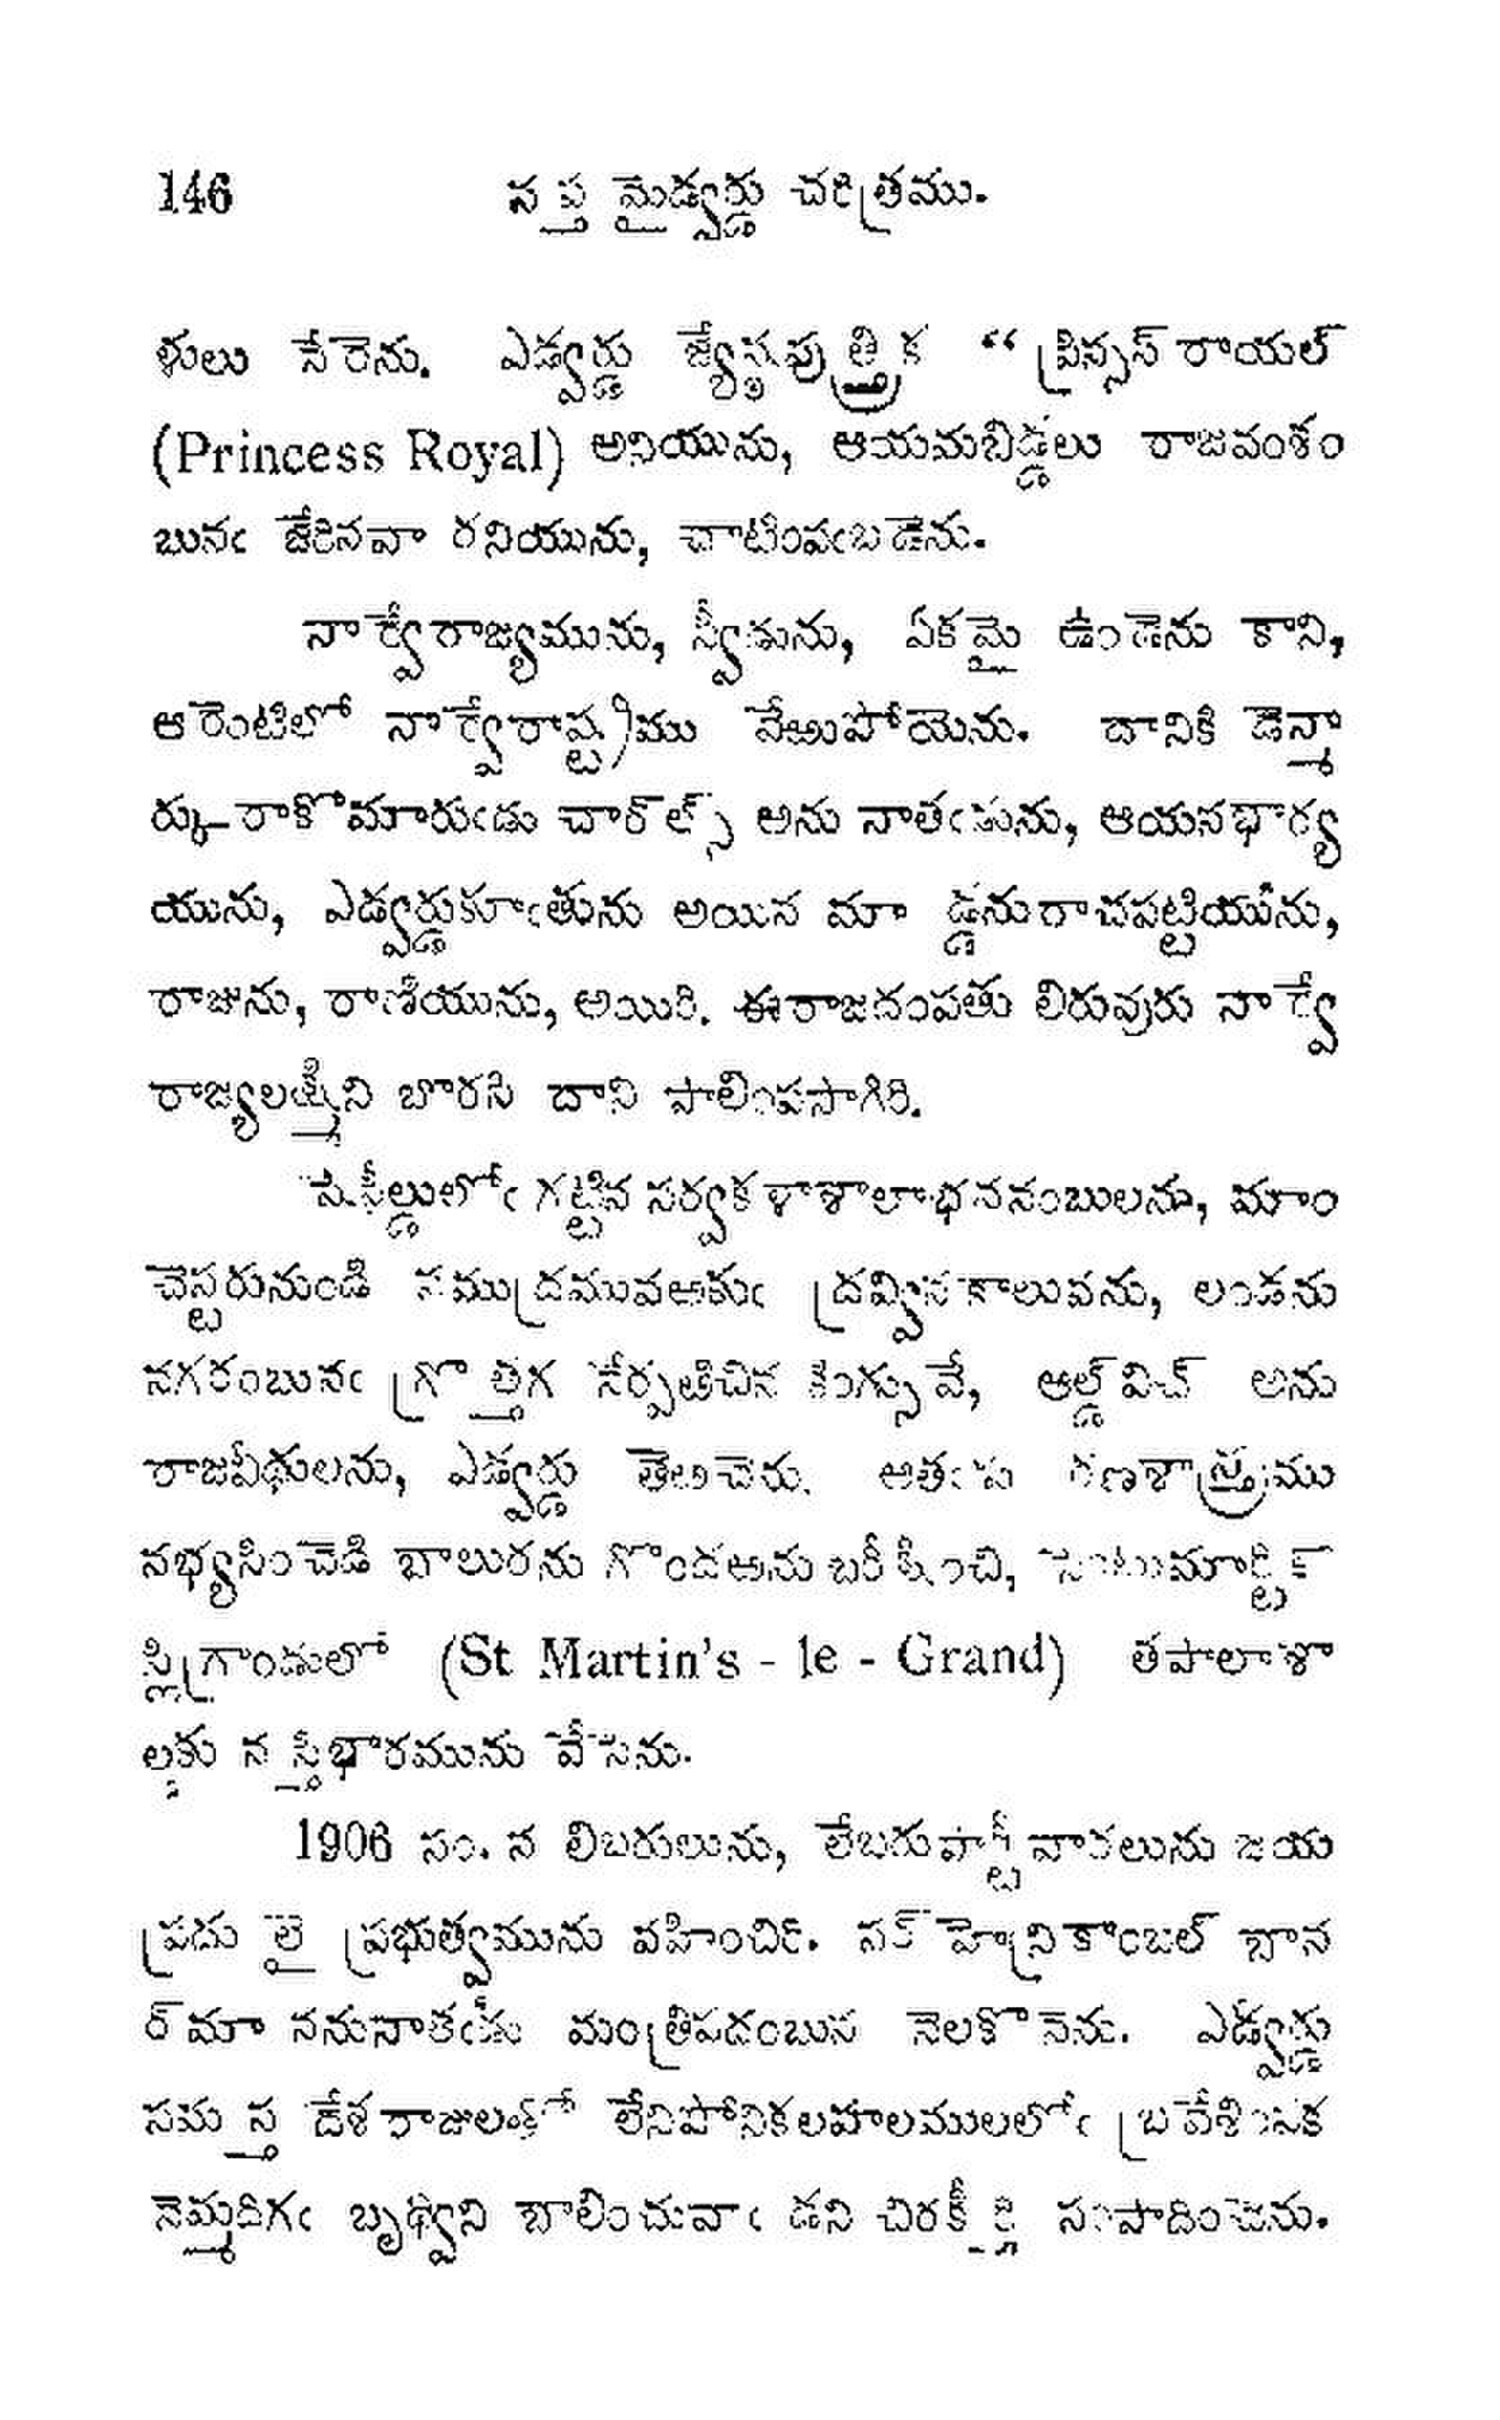శులు సేరెను. ఎడ్వర్లు జ్యేష్ఠపుత్రిక " ప్రిన్సస్ రాయల్ (Princess Royal) అనియును, ఆయమబిడ్డలు రాజవంశం బునఁ జేరిన వారనియును, చాటింపఁబడెను..

నార్వే రాజ్యమును, స్వీడను, ఏకమై ఉండెను కాని, ఆరెంటిలో నార్వే రాష్ట్రము వేఱు పోయెను. దానికి డెన్మా ర్కు రాకోమారుఁడు చార్లెస్ అను నాతడును, ఆయస భార్య యును, ఎడ్వర్డుకూఁతును అయిన మాడ్లను రాచ పట్టియును, రాజును, రాణీయును, అయిరి. ఈ రాజదంపతు లిరువురు నార్వే రాజ్యలక్ష్మిని బొరసి దాని పాలింప సాగిరి.

షేఫీల్డులోఁ గట్టిన సర్వ కళాశాలా భననంబులను, మాం చెస్టరునుండి సముద్రము వఱకు ద్రవ్విన కాలువను, లండను నగరంబునఁ గొత్తగ 'నేర్పఱచిన కింగ్సు వే, ఆల్డ్ విచ్ అను రాజవీధులను, ఎడ్వర్డు తెఱిచెను. అతడు రణ శాస్త్రము నభ్యసించెడి బాలురను కొందఱను బరీక్షించి సెంటు మార్టిన్ స్లీ గ్రాండులో (St Martin's - le - Grand) తపాలా శా లకు నస్తీభారమును వేసెను.

1906 సం. న లిబరులును, లేబరు పార్టీ వారలును జయ ప్రదు లై ప్రభుత్వమును వహించి. సర్ హెన్రికాంబల్ బాన ర్ మా నను నాతడు మంత్రిపదంబున నెలకొనెను. ఎడ్వర్డు సమస్త దేశ రాజులలో లేని పోనికలహలములలోఁ బ్రవేశింపక నెమ్మదిగఁ బృద్విని పాలించు వా డని చిర కీర్తి సంపాదించెను.